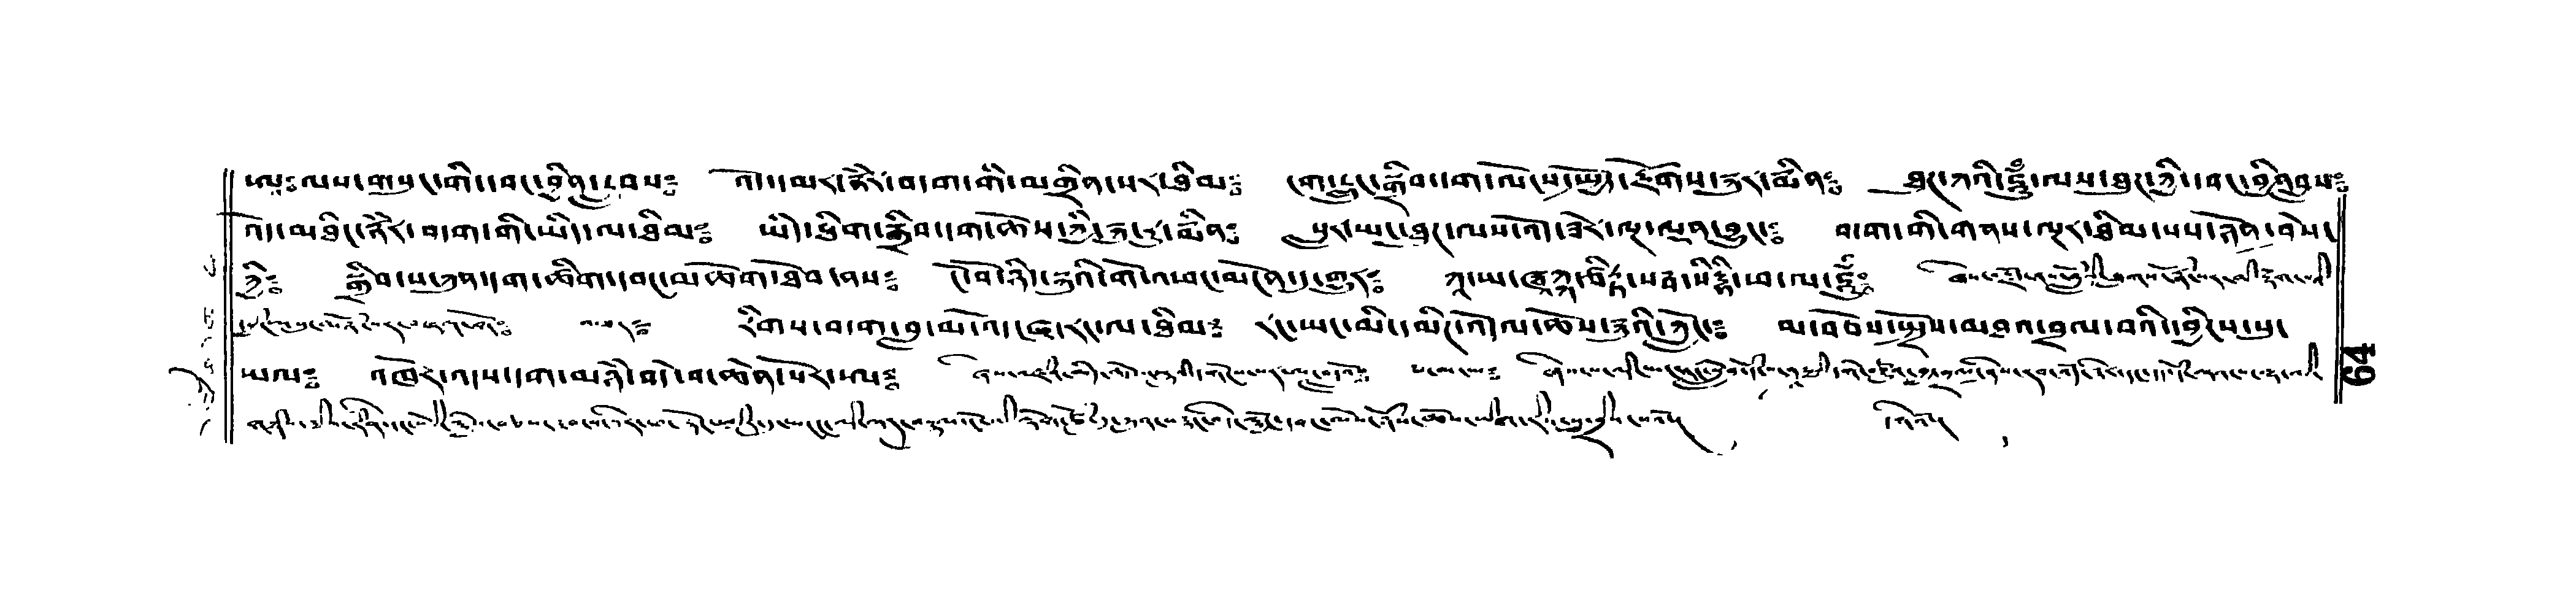ཨཱཿལས་གསུང་གི་དབང་བྱིན་རླབས༔ འོད་དམར་རྣམ་པར་དག་གི་མགྲིན་པར་ཐིམ༔ ངག་རླུང་སྒྲིབ་དག་ལོངས་སྤྱོད་རྫོགས་སྐུར་སྨིན༔ ཐུགས་ཀའི་ཧཱུྃ་ལས་ཐུགས་ཀྱི་དབང་བྱིན་རླབས༔ 
འོད་མཐིང་རྣམ་པར་དག་གི་ཡིད་ལ་ཐིམ༔ ཡིད་ཐིག་སྒྲིབ་དག་ཆོས་ཀྱི་སྐུ་རུ་སྨིན༔ སླར་ཡང་ཐུགས་ལས་འོད་ཟེར་ལྔ་ལྡན་བྱུང༔ བདག་གི་གནས་ལྔར་ཐིམ་པར་ཉོན་ཤེས་
ཀྱི༔ སྒྲིབ་པ་ཀུན་དག་ཚིག་དབང་མཆོག་ཐོབ་ནས༔ ངོ་བོ་ཉིད་སྐུའི་གོ་འཕང་མངོན་དུ་གྱུར༔ ཀཱ་ཡ་ཝཱཀྐ་ཙིཏྟ་སརྦ་སིདྡྷི་ཕ་ལ་ཧཱུྃ༔ ཞེས་བརྗོད་ནས་བླ་མའི་ཐུགས་རྣམ་པར་མི་རྟོག་པའི་
དབྱིངས་སུ་མཉམ་པར་བཞག་གོ༔ མཐར༔ རིགས་བདག་བླ་མ་འོད་ཞུ་རང་ལ་ཐིམ༔ རང་ཡང་མི་དམིགས་འོད་གསལ་ཆོསསྐུའི་ཀློང༔ མ་བཅོས་སྤྲོས་མཐའ་བྲལ་བའི་དབྱིངས་སུ་
ཡལ༔ འཁོར་འདས་དག་མཉམ་བདེ་བ་ཆེན་པོར་ཨཱ༔ ཞེས་འཛིན་མེད་ཆོས་སྐུའི་དགོངས་པས་བཟླའོ༔ ས་མ་ཡ༔ ཞེས་པ་འདི་ཡང་རང་སློབ་དམ་པ་ཤཱཀྱའི་དགེ་བཙུན་བྱ་བྲལ་ཤེས་རབ་འོད་ཟེར་དང་དད་དམ་ལྡན་པ་ལྷ་མི་
གཉིས་ཀྱིས་རིན་ཆེན་དང་པོའི་སྐྱེས་བཅས་ཟབ་གཏེར་ཁ་སྐོང་ཕྱིར་དུ་ཡང་ཡང་འདི་ལྟར་བསྐུལ་ངོ་མ་ལྡོག་ཙམ་དུ་ཀུན་བཟང་བདེ་སྐྱོང་དབང་མོས་ཉམས་ཆོས་ཡིག་རིས་སུ་བྲིས་པ་དགེའོ།།